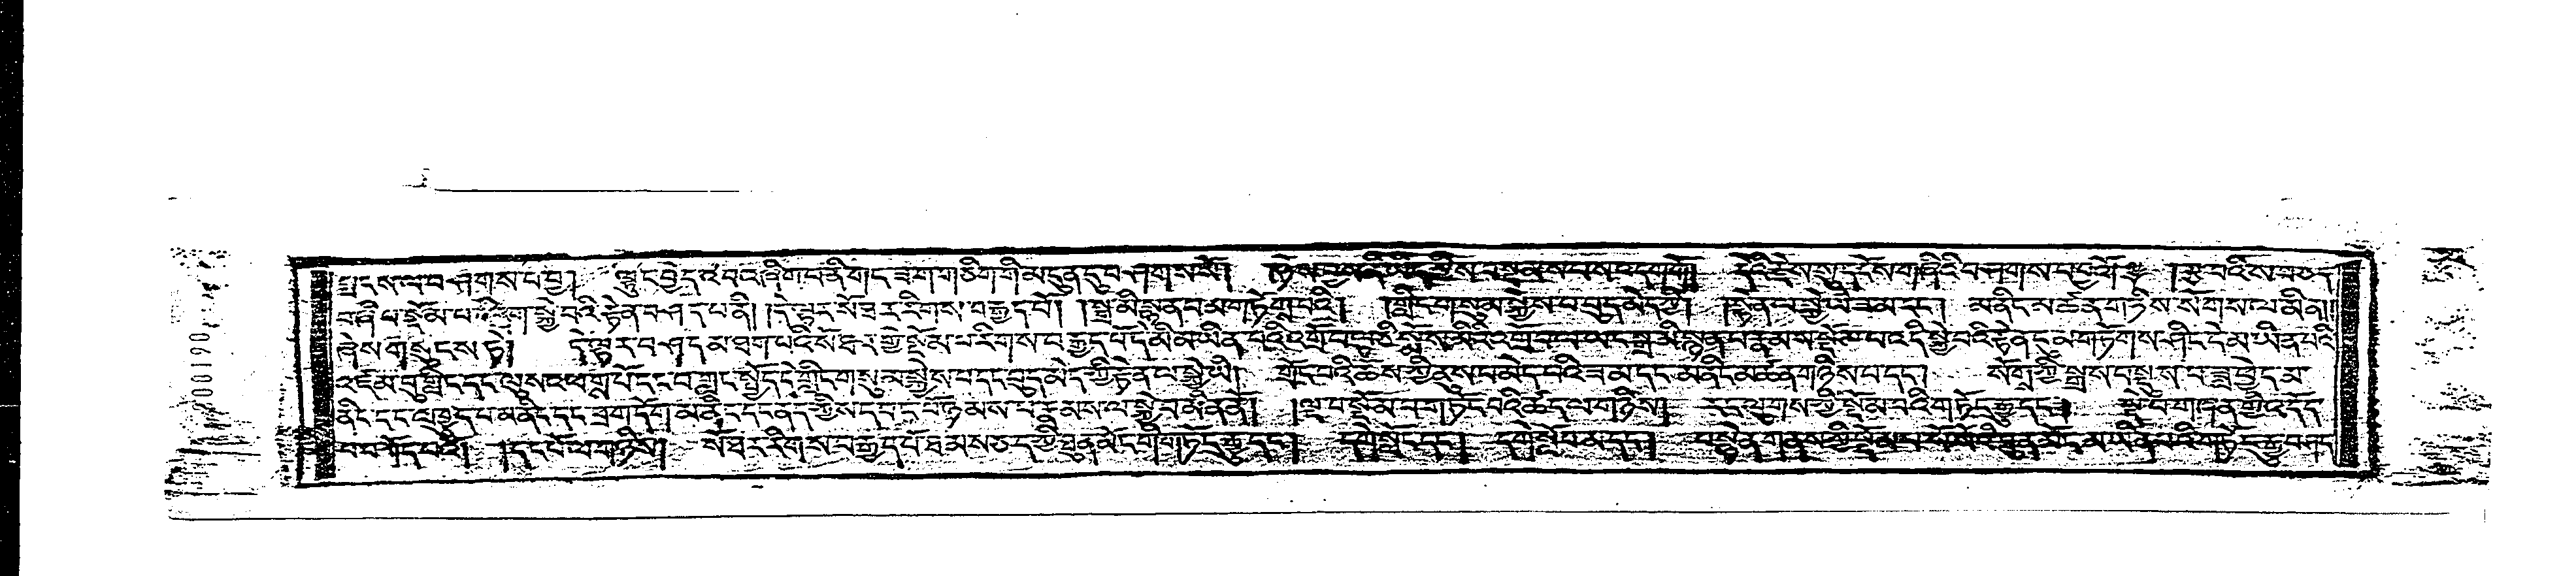སྤངས་ལ་བཤགས་པ་བྱ། ལྟུང་བྱེད་འབའ་ཞིག་པ་ནི་གང་ཟག་གཅིག་གི་མདུན་དུ་བཤགས་སོ། །ཉེས་བྱས་ནི་ཡིད་ཀྱིས་བསྡམས་པས་བདག་གོ། དེའི་རྗེས་སུ་དངོས་གཞིའི་བཤགས་པ་བྱའོ། ༈ །རྩ་བའི་ས་བཅད་
བཞི་པ་སྡོམ་པའི་ཞག་སྐྱེ་བའི་རྟེན་བཤད་པ་ནི། །དེ་ལྟར་སོ་ཐར་རིགས་བརྒྱད་པོ། །སྒྲ་མི་སྙན་པ་མ་གཏོགས་པའི། །གླིང་གསུམ་སྐྱེས་པ་བུད་མེད་ཀྱི། །སྟེན་ལ་སྐྱེ་ལ་ཟ་མ་དང་། མ་ནིང་མཚན་གཉིས་སོགས་ལ་མིན།།
ཞེས་གསུངས་ཏེ། དེ་ལྟར་བཤད་མ་ཐག་པའི་སོ་ཐར་གྱི་སྡོམ་པ་རིགས་བརྒྱད་པོ་དེ་མི་མ་ཡིན་པའི་འགྲོ་བ་ལྟ་ཅི་སྨོས་མིའི་འགྲོ་བ་ལ་ཡང་སྒྲ་མི་སྙན་པ་རྣམས་སྡོམ་པ་འདི་སྐྱེ་བའི་རྟེན་དུ་མ་གཏོགས་ཤིང་དེ་མ་ཡིན་པའི་
འཛམ་བུ་གླིང་དང་ལུས་འཕགས་པོ་དང་བ་གླང་སྤྱོད་དེ་གླིང་གསུམ་སྐྱེས་པ་དང་བུད་མེད་ཀྱི་རྟེན་ལ་སྐྱེ་ཡི། གྲོང་བའི་ཆོས་ཀྱི་ནུས་པ་མེད་པའི་ཟ་མ་དང་མ་ནིང་མཚན་གཉིས་པ་དང་། སོགས་ཀྱི་སྒྲས་བསྡུས་པ་ཟླ་ཕྱེད་མ་
ནིང་དང་འཁྱུད་པ་མ་ནིང་དང་ཕྲག་དོག་མ་ནིང་དང་ནད་ཀྱིས་དབང་པོ་ཉམས་པ་རྣམས་ལ་སྐྱེ་བ་མིན་ནོ། །ལྔ་པ་སྡོམ་པ་གཏོང་བའི་ཚད་ལ་གཉིས། རང་ལུགས་ཀྱི་སྡོམ་པའི་གཏོང་རྒྱུ་དང་། སྡེ་བ་གཞན་གྱི་འདོད་
པ་བཀོད་པའོ། །དང་པོ་ལ་གཉིས། སོ་ཐར་རིགས་བརྒྱད་པོ་ཐམས་ཅད་ཀྱི་ཐུན་མོང་གི་གཏོང་རྒྱུ་དང་། དགེ་སློང་དང་། དགེ་སློབ་མ་དང་། བསྙེན་གནས་ཀྱི་སྡོམ་པ་སོ་སོའི་ཐུན་མོང་མ་ཡིན་པའི་གཏོང་རྒྱུ་བཤད་